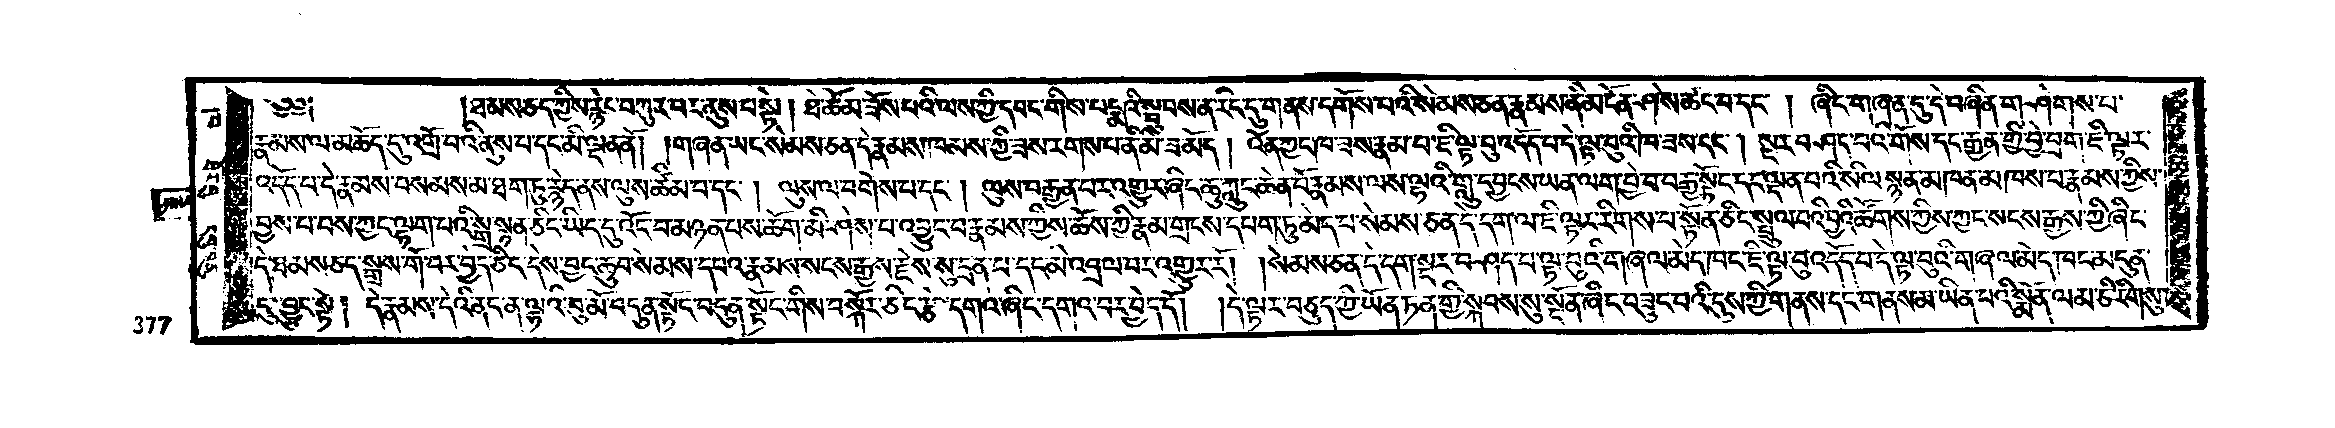༄༅། །ཐམས་ཅད་ཀྱིས་རྙིང་བཀུར་པར་ནུས་པ་སྟེ། ཐེ་ཚོམ་ཟོས་པའི་ལས་ཀྱི་དབང་གིས་པདམའི་སྦུབས་ན་རིང་དུ་གནས་དགོས་པའི་སེམས་ཅན་རྣམས་ནི་མངོན་ཤེས་ཚང་བ་དང་། ཞིང་གཞན་དུ་དེ་བཞིན་གཤེགས་པ་
རྣམས་ལ་མཆོད་དུ་འགྲོ་བའི་ནུས་པ་དང་མི་ལྡན་ནོ། །གཞན་ཡང་སེམས་ཅན་དེ་རྣམས་ཁམས་ཀྱི་ཟས་རགས་པ་ནི་མི་ཟ་མོད། འོན་ཀྱང་ཁ་ཟས་རྣམ་པ་ཇི་ལྟ་བུ་འདོད་པ་དེ་ལྟ་བུའི་ཁ་ཟས་དང་། སྔར་བཤད་པའི་གོས་དང་རྒྱན་གྱི་བྱེ་བྲག་ཇི་ལྟར་
འདོད་པ་དེ་རྣམས་བསམས་མ་ཐག་ཏུ་རྙེད་ནས་ལུས་ཚིམ་པ་དང་། ལུས་ལ་བགོས་པ་དང་། ལུས་བརྒྱན་པར་འགྱུར་ཞིང་ཆུ་ཀླུང་ཆེན་པོ་རྣམས་ལས་ལྷའི་གླུ་དབྱངས་ཡན་ལག་བྱེ་བ་བརྒྱ་སྟོང་དང་ལྡན་པའི་སིལ་སྙན་མཁན་མཁས་པ་རྣམས་ཀྱིས་
བྱས་པ་བས་ཀྱང་ལྷག་པའི་སྒྲ་སྙན་ཅིང་ཡིད་དུ་འོང་བ་མཉན་པས་ཆོག་མི་ཤེས་པ་འབྱུང་བ་རྣམས་ཀྱིས་ཆོས་ཀྱི་རྣམ་གྲངས་དཔག་ཏུ་མེད་པ་སེམས་ཅན་དེ་དག་ལ་ཇི་ལྟར་རིགས་པ་སྟོན་ཅིང་སྤྲུལ་པའི་བྱའི་ཚོགས་ཀྱིས་ཀྱང་སངས་རྒྱས་ཀྱི་ཞིང་
དེ་ཐམས་ཅད་སྒྲས་གོ་བར་བྱེད་ཅིང་དེས་བྱང་ཆུབ་སེམས་དཔའ་རྣམས་སངས་རྒྱས་རྗེས་སུ་དྲན་པ་དང་མི་འབྲལ་བར་འགྱུར་རོ། །སེམས་ཅན་དེ་དག་སྔར་བཤད་པ་ལྟ་བུའི་གཞལ་མེད་ཁང་ཇི་ལྟ་བུ་འདོད་པ་དེ་ལྟ་བུའི་གཞལ་མེད་ཁང་མདུན་
དུ་བྱུང་སྟེ། དེ་རྣམས་དེའི་ནང་ན་ལྷའི་བུ་མོ་བདུན་སྟོང་བདུན་སྟོང་གིས་བསྐོར་ཅིང་རྩེ་དགའ་ཞིང་དགའ་བར་བྱེད་དོ། །དེ་ལྟར་བཅུད་ཀྱི་ཡོན་ཏན་གྱི་སྐབས་སུ་སྔོན་ཞིང་བཟུང་བའི་དུས་ཀྱི་གནས་དང་གནས་མ་ཡིན་པའི་སྨོན་ལམ་ཅི་རིགས་སུ་